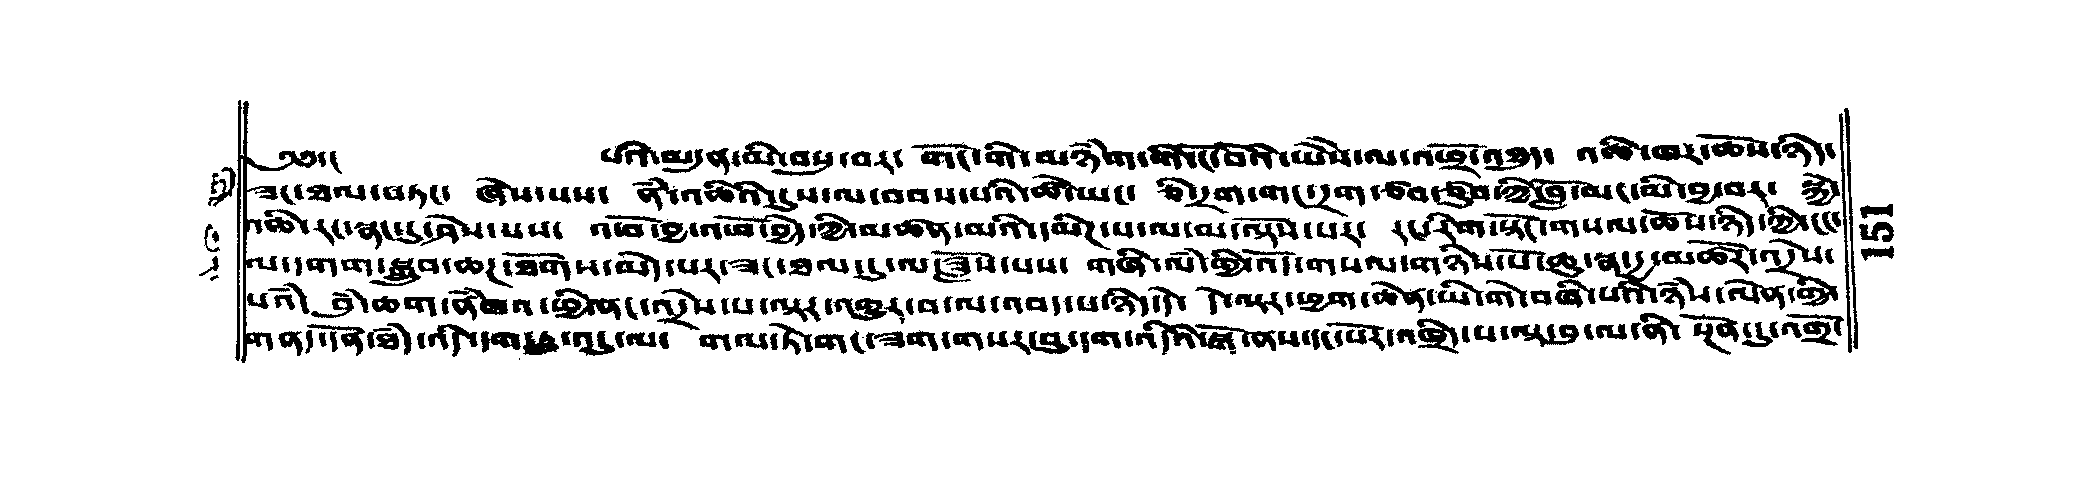པའི་མདུན་མི་བསུ་བར། གོང་གི་མཉམ་བཞག་གི་ངོ་བོའི་ཡེ་ཤེས་ལ་འཕྲོ་འཐུད། འཆི་ཁར་ཆོས་ཉིད་
ཟང་ཐལ་བཏང་། ཞེས་པས། ནམ་འཆིའི་དུས་ལ་བབས་པའི་ཚེ་ཡང་། ཅི་དྲག་གང་དྲག་ཙབ་ཙུབ་ཀྱི་བློ་མང་མི་བྱ་བར། སྐྱེ་
འཆི་རང་སྣང་དུ་ཤེས་པས། འཕོ་བྱ་འཕོ་བྱེད་ཀྱི་མཚན་མའི་དམིགས་པ་ལ་མ་ལྟོས་པར། རང་རིག་སྟོང་གསལ་ཆོས་ཉིད་ཀྱི་ངང་
ལ་དགག་སྒྲུབ་ཆགས་ཐོགས་མེད་པར་ཟང་ཐལ་དུ་ལ་ཟློས་པས། གཞི་ལམ་གྱི་འོད་གསལ་གཉིས་པོ་ཆུ་སྣ་རྒྱ་མཚོར་འདྲེས་
པའམ། བུམ་ཆག་ནམ་མཁའ་ཕྱི་ནང་འདྲེས་པ་ལྟར་འགྱུར་བ་ལ་འབད་པ་ཉིད་དེ། དེ་ལྟར་ཕྱག་ཆེན་ཡི་གེ་བཞི་པའི་ཉམས་ལེན་གྱི་
གནད་དོན་ཐམས་ཅད་འདི་དག་ཏུ་འདུ་ལ། གལ་ཏེ་གང་ཟག་གསར་བུ་དག་འདིའི་སྒོ་ནས་དང་པོར་འཁྲིད་པར་ལྟ་བུ་ལ་ནི། སྔོན་དུ་འགྲོ་